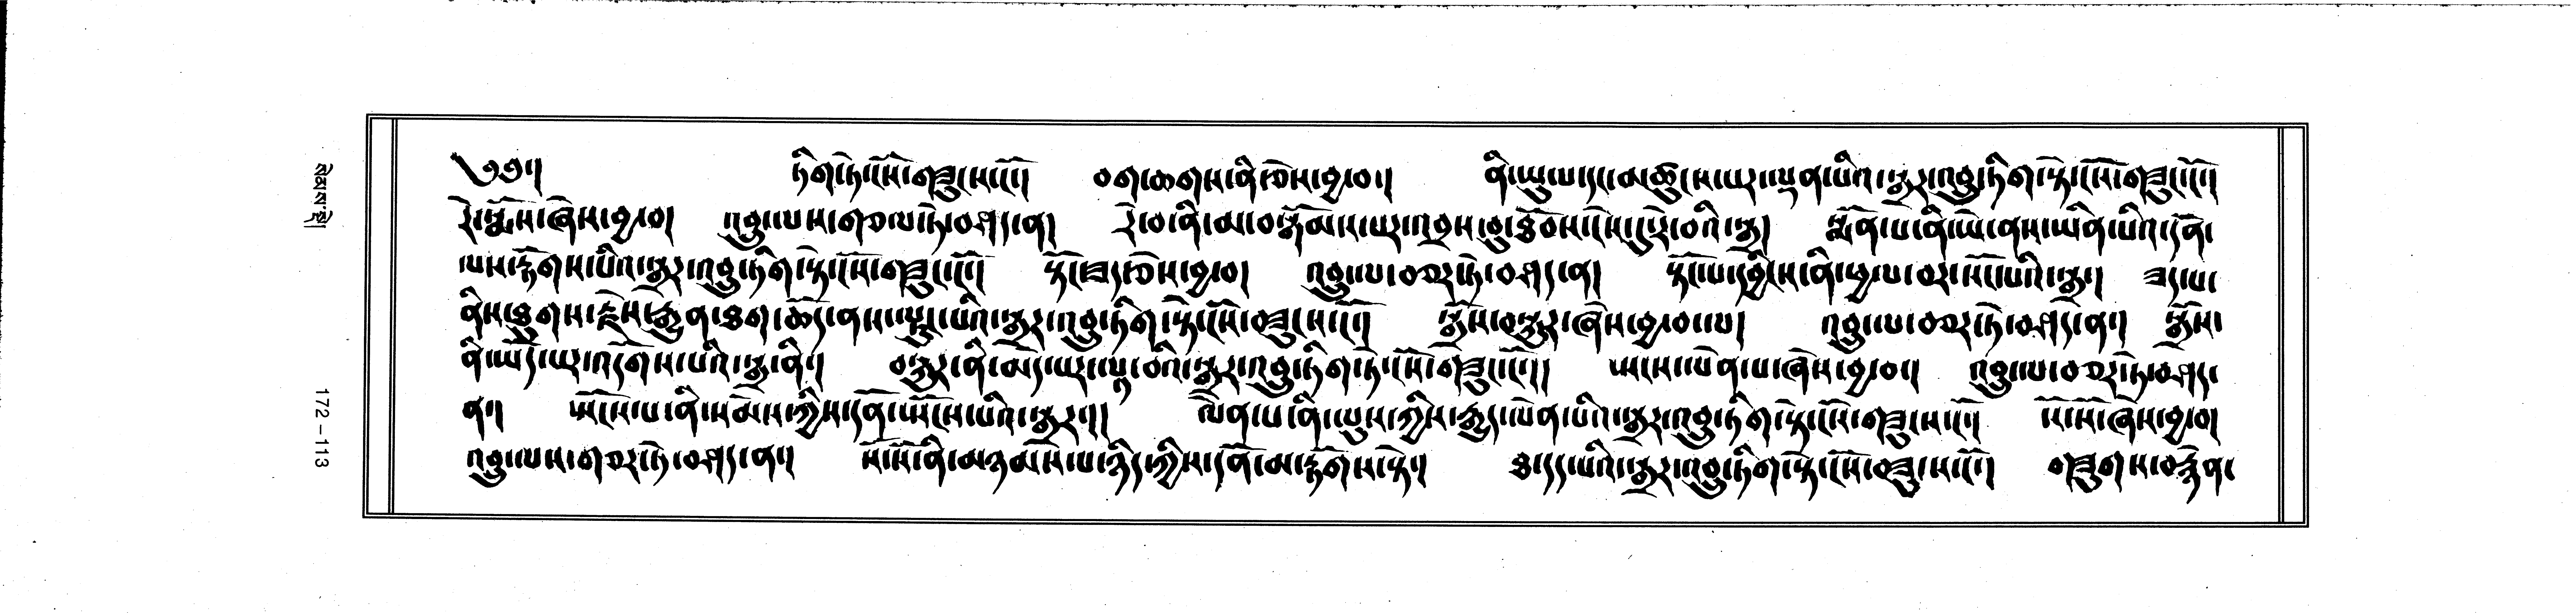ཏིག་སྟེ་ངོས་གཟུངས་ངོ་། བག་ཆགས་ནི་ཅེས་བྱ་བ། ནི་ཡུལ་དང་མཚུངས་པར་ལྡན་པའི་སྒྲར་འབྲུ་ཏིག་སྟེ་ངོས་གཟུངས་ངོ་། 
རེ་སྨོས་ཞེས་བྱ་བ། འབྲུ་ལས་གཅལ་ཏེ་བཤད་ན། རེ་བ་ནི་མ་བསྒོམས་པར་འབྲས་བུ་ཐོབས་ངེས་དུ་རེ་བའི་སྒྲ། སྨོན་པ་ནི་ཡེ་ནས་ཡིན་པའི་དོན་
ལས་རྟོགས་པའི་སྒྲར་འབྲུ་ཏིག་སྟེ་ངོས་གཟུངས་ངོ་། སྟོང་ཟད་ཅེས་བྱ་བ། འབྲུ་ལ་བཅར་ཏེ་བཤད་ན། སྟོང་པ་དབྱིངས་ནི་ཕྱལ་བར་སོང་པའི་སྒྲ། ཟད་པ་
ནིས་ཐུགས་རྗེས་རྒྱུན་ཐག་ཆོད་ནས་ལྟུང་པའི་སྒྲར་འབྲུ་ཏིག་སྟེ་ངོས་གཟུངས་ངོ་། སྒྲོས་བསྐུར་ཞེས་བྱ་བ། འབྲུ་ལ་བཅར་ཏེ་བཤད་ན། སྒྲོགས་
ནི་ཡོད་པར་འདོགས་པའི་སྒྲ་ནི། བསྐུར་ནི་མེད་པར་ལྟ་བའི་སྒྲར་འབྲུ་ཏིག་སྟེ་ངོས་གཟུངས་ངོ་། སྤངས་ལེན་པ་ཞེས་བྱ་བ། འབྲུ་ལ་བཅར་ཏེ་བཤད་
ན། སྤོངས་པ་ནི་སེམས་ཀྱིས་དོན་སྤོངས་པའི་སྒྲར། ལེན་པ་ནི་ལུས་ཀྱིས་རྒྱུད་ལེན་པའི་སྒྲར་འབྲུ་ཏིག་སྟེ་ངོས་གཟུངས་ངོ་། སོ་སོ་ཞེས་བྱ་བ། 
འབྲུ་ལས་གཅར་ཏེ་བཤད་ན། སོ་སོ་ནི་མཉམས་པ་ཉིད་ཀྱིས་དོན་མ་རྟོགས་སྟེ། ཐ་དད་པའི་སྒྲར་འབྲུ་ཏིག་སྟེ་ངོས་གཟུངས་ངོ་། གཟུགས་བརྙེན་